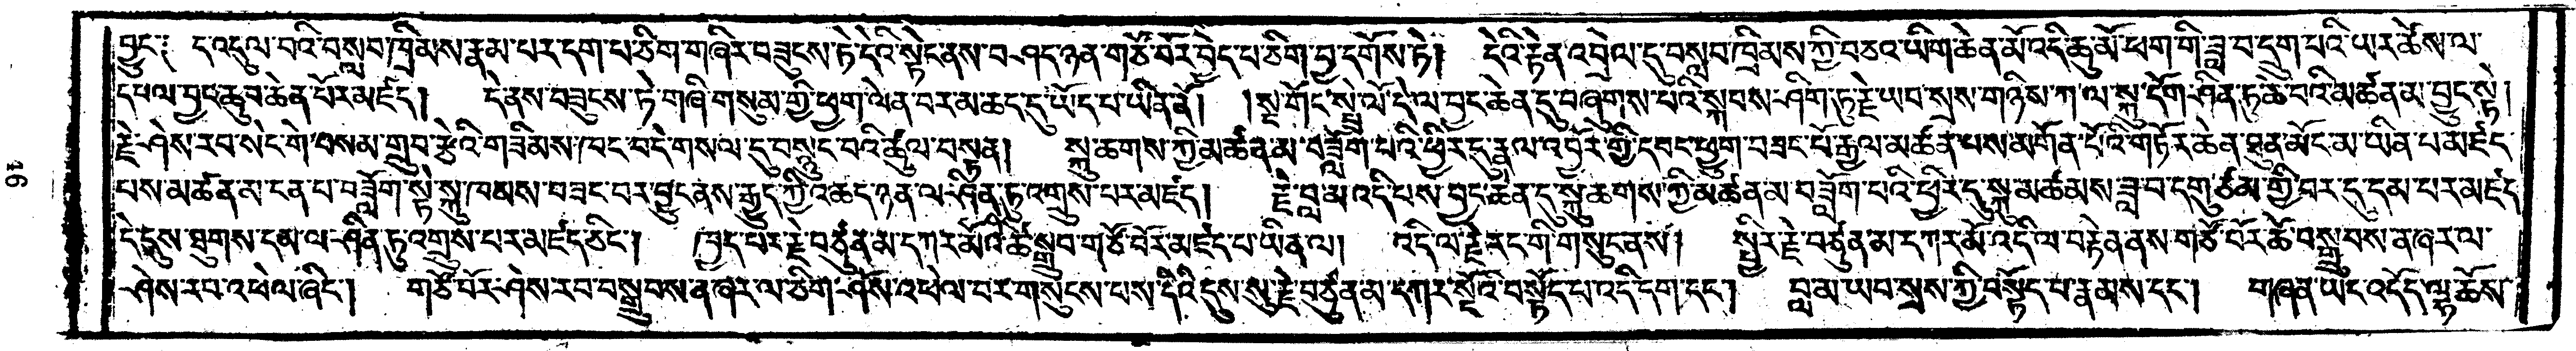བྱུང༑ ད་འདུལ་བའི་བསླབ་ཁྲིམས་རྣམ་པར་དག་པ་ཅིག་གཞིར་བཟུངས་ཏེ་དེའི་སྟེང་ནས་བཤད་ཉན་གཙོ་བོར་བྱེད་པ་ཅིག་བྱ་དགོས་ཏེ། དེའི་རྟེན་འབྲེལ་དུ་བསླབ་ཁྲིམས་ཀྱི་བཅའ་ཡིག་ཆེན་མོ་འདི་ཆུ་མོ་ཕག་གི་ཟླ་བ་དྲུག་པའི་ཡར་ཚེས་ལ་
དཔལ་བྱང་ཆུབ་ཆེན་པོར་མཛད། དེ་ནས་བཟུངས་ཏེ་གཞི་གསུམ་གྱི་ཕྱག་ལེན་བར་མ་ཆད་དུ་ཡོད་པ་ཡིན་ནོ། །སྔ་གོང་སྤྲེ་ལོ་དེ་ལ་བྱང་ཆེན་དུ་བཞུགས་པའི་སྐབས་ཤིག་ཏུ་རྗེ་ཡབ་སྲས་གཉིས་ཀ་ལ་སྐུ་དོག་ཤིན་ཏུ་ཆེ་བའི་མཚན་མ་བྱུང་སྟེ།
རྗེ་ཤེས་རབ་སེང་གེ་བསམ་གྲུབ་རྩེའི་གཟིམས་ཁང་བདེ་གསལ་དུ་བསྙུང་བའི་ཚུལ་བསྟན། སྐུ་ཆགས་ཀྱི་མཚན་མ་བཟློག་པའི་ཕྱིར་དུ་རྣལ་འབྱོར་གྱི་དབང་ཕྱུག་བཟང་པོ་རྒྱལ་མཚན་པས་མགོན་པོའི་གཏོར་ཆེན་ཐུན་མོང་མ་ཡིན་པ་མཛད་
པས་མཚན་མ་ངན་པ་བཟློག་སྟེ་སྐུ་ཁམས་བཟང་བར་བྱུང་ནས་རྒྱུད་ཀྱི་འཆད་ཉན་ལ་ཤིན་ཏུ་འགྲུས་པར་མཛད། རྗེ་བླ་མ་འདི་པས་བྱང་ཆེན་དུ་སྐུ་ཆགས་ཀྱི་མཚན་མ་བཟློག་པའི་ཕྱིར་དུ་སྐུ་མཚམས་ཟླ་བ་དགུ་ཙམ་གྱི་བར་དུ་དམ་པར་མཛད་
དེ་དུས་ཐུགས་དམ་ལ་ཤིན་ཏུ་འགྲུས་པར་མཛད་ཅིང་། ཁྱད་པར་རྗེ་བཙུན་མ་དཀར་མོའི་ཚ་སྒྲུབ་གཙོ་བོར་མཛད་པ་ཡིན་ལ། འདི་ལ་རྗེ་རང་གི་གསུང་ནས། སྤྱིར་རྗེ་བཙུན་མ་དཀར་མོ་འདི་ལ་བརྟེན་ནས་གཙོ་བོར་ཚེ་བསྒྲུབས་ན་ཞར་ལ་
ཤེས་རབ་འཕེལ་ཞིང་། གཙོ་བོར་ཤེས་རབ་བསྒྲུབས་ན་ཞར་ལ་ཅིག་ཤོས་འཕེལ་བར་གསུངས་པས་དིའི་དུས་སུ་རྗེ་བཙུན་མ་དཀར་སྔོའི་བསྟོད་པ་འདི་དག་དང་། བླ་མ་ཡབ་སྲས་ཀྱི་བསྟོད་པ་རྣམས་དང་། གཞན་ཡང་འདོད་ལྷ་ཆོས་